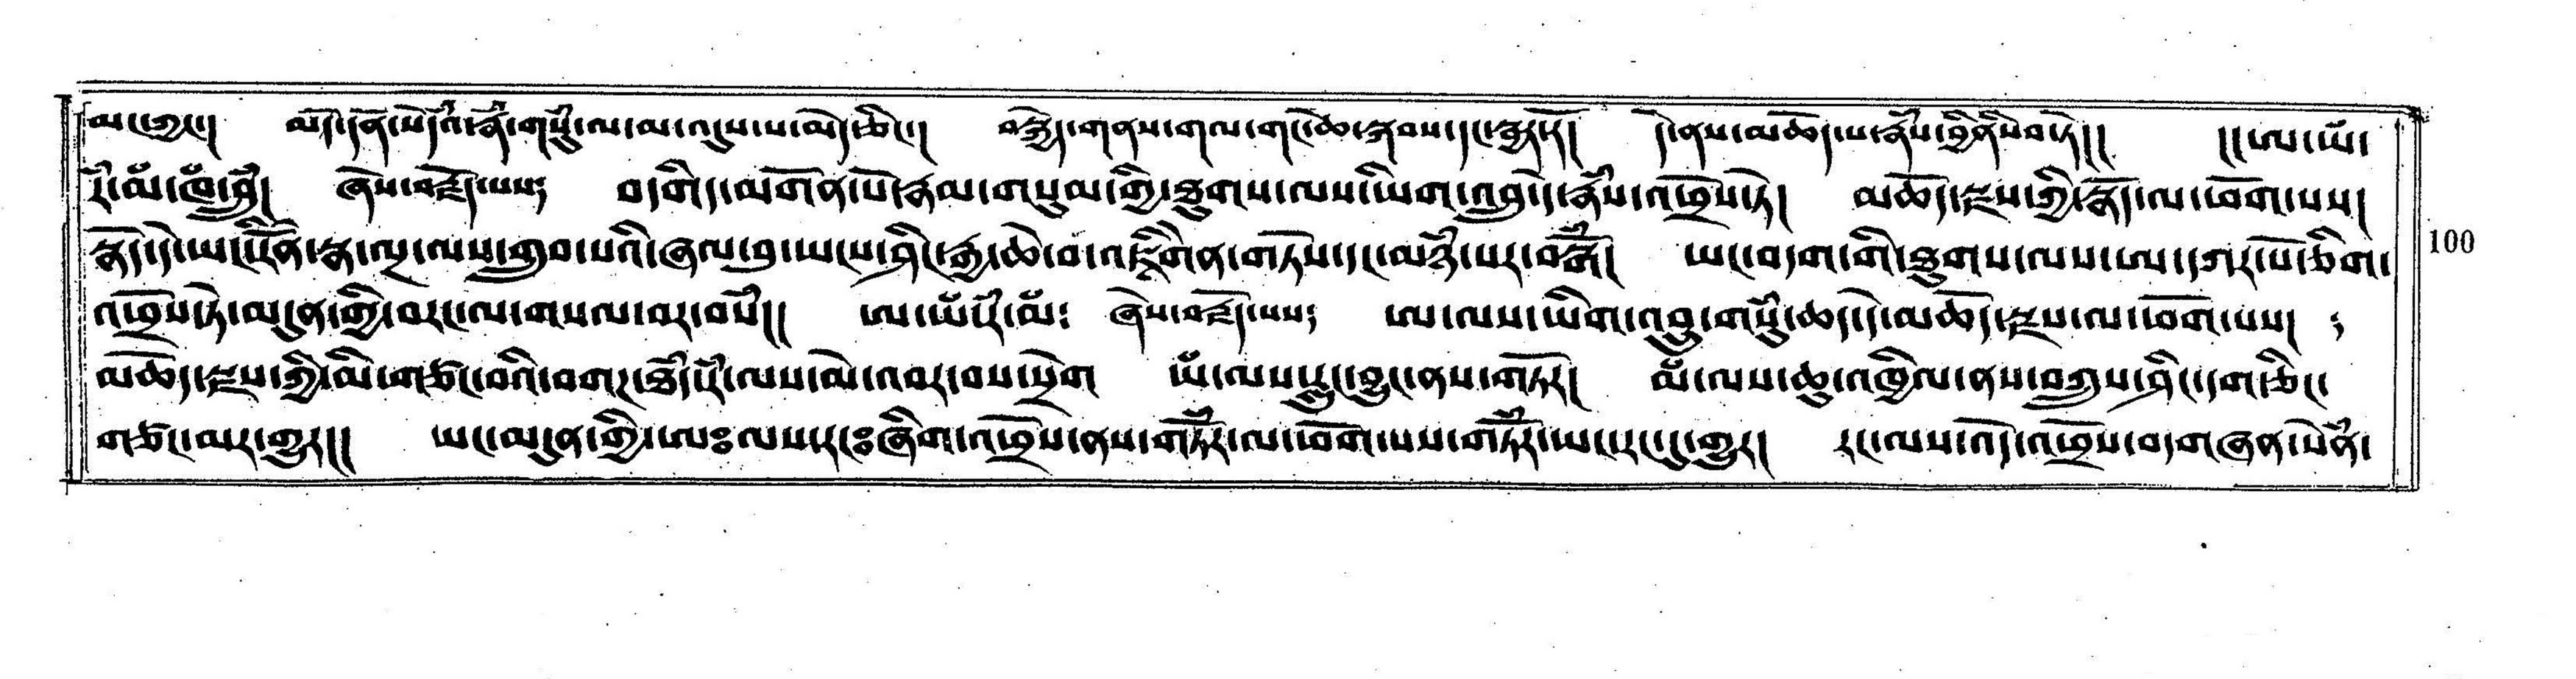མང་ཀྱང་། མདོ་དོན་སེམས་དཔའ་རྣམ་གསུམ་ལ་མ་འདུས་པ་མེད་ཅིང་། བསྐྱེད་གནས་གལ་གང་ཆེ་སྐབས་དང་སྦྱར་རོ། དེ་ནས་མཆོད་པ་རྣམས་བྱིན་གྱིས་བརླབས་ཏེ།། །།ཨ་ཡཾ་
རཾ་མཾ་ཁཾ་བྲུཾ། ཞེས་བརྗོད་པས བདག་ཉིད་མགོན་པོ་རྣམ་གསུམ་གྱི་ཐུགས་ལས་ཡིག་འབྲུ་དེ་རྣམས་འཕྲོས་ཏེ། མཆོད་རྫས་ཀྱི་སྣོད་ལ་ཕོག་པས། 
སྣོད་དེ་ཡང་རིན་པོ་ཆེ་སྣ་ལྔ་ལས་གྲུབ་པའི་ཞལ་བུ་ཡངས་ཤིང་རྒྱ་ཆེ་བ་འཇིག་རྟེན་གཏོས་དང་མཉམ་པར་བསྒོམ། ཡང་བདག་གི་ཐུགས་ལས་ཨ་དཀར་པོ་ཅིག་
འཕྲོས་ཏེ་མདུན་གྱི་བར་སྣང་ལ་གསལ་བར་བསམ།། ཨ་ཡཾ་རཾ་མཾ༴ ཞེས་བརྗོད་པས ཨ་ལས་ཡིག་འབྲུ་གསུམ་ཆད་དེ་མཆོད་རྫས་ལ་ཕོག་པས། 
མཆོད་རྫས་ཀྱི་མི་གཙང་བའི་བག་ཆགས་ཐམས་ཅད་རཾ་ལས་མེ་འབར་བས་སྲེག ཡཾ་ལས་རླུང་བྱུང་ནས་གཏོར། མཾ་ལས་ཆུ་འཁྱིལ་ནས་བཀྲུས་ཤིང་དག་ཅིང་
གཙང་མར་གྱུར།། ཡང་མདུན་གྱི་ཨཿལས་རངཿཞིག་འཕྲོས་ནས་གཏོར་མ་ལ་ཕོག་པས་གཏོར་མ་ཡང་རང་དུ་གྱུར། རང་ལས་འོད་འཕྲོས་བདག་གཞན་སེམས་ཅན་